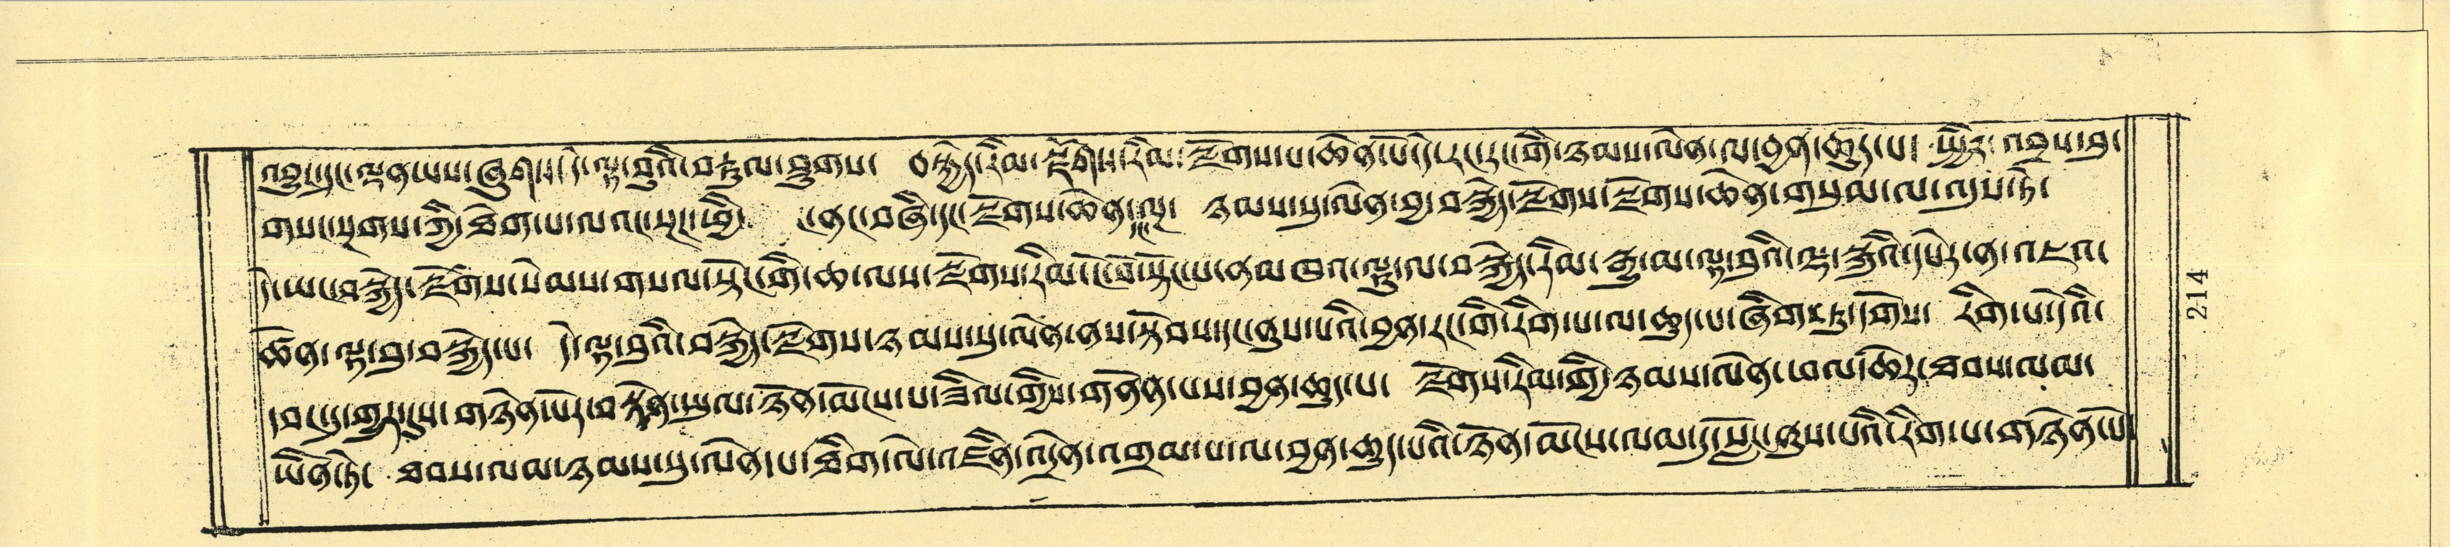འབྱུང་དང་ལྡན་པས་ ༼ཞུགས་༽དེ་ལྟ་བུའི་བརྟུལ་ཤུགས། ༼བསྐྱེད་རིམ་སྫོགས་༽རིམ་སྫོགས་པ་ཆེན་པོ་དེ་རང་རང་གི་ཉམས་ལེན་ལ་ ༼བྱན་ཆུད་པ་༽སྤྱིར་འབྲས་བུ་
གསང་སྔགས་ཀྱི་ཐེག་པ་ལའང་སྔགས་ཕྱི་ནང་བཞི་དང་སྫོགས་ཆེན་དང་ལྔ། ཉམས་སུ་ལེན་བྱ་བསྐྱེད་སྫོགས་སྫོགས་ཆེན་གསུམ་ལ་འདུས་ཏེ། 
དེ་ཡང་བསྐྱེད་རྫོགས་སེམས་གསལ་སྟོང་གི་ཆ་ལས་སྫོགས་རིམ་ངོ་བོ་སྟོང་པ་ནམ་མཁའ་ལྟ་བུ་ལ་བསྐྱེད་རིམ་སྒྱུ་མ་ལྟ་བུའི་ལྷ་སྐུའི་དཔེར་ན་འཇའ་
ཚོན་ལྟ་བུ་བསྐྱེད་པ། དེ་ལྟ་བུའི་བསྐྱེད་རྫོགས་ཉམས་སུ་ལེན་ནས་སྟོབས་དང་ནུས་པའི་བྱན་རང་གི་རིག་པ་ལ་ཆུད་པ་ཞིག་ཏུ་དགོས། རིག་པ་དེའི་
དབང་དུ་གྱུར་དུས་གཉེན་པོར་བསྟེན་ཡུལ་ཉོན་མོངས་པ་ཟིལ་གྱིས་གནོན་པས་བྱན་ཆུད་པ། སྫོགས་རིམ་གྱི་ཉམས་ལེན་ཕལ་ཆེར་ཐབས་ལམ་
ཡིན་ཏེ། ཐབས་ལམ་ཉམས་སུ་ལེན་པ་ཐིག་ལེ་འཛིན་འདྲེན་འགྲམ་པ་ལ་བྱན་ཆུད་པའི་ཉོན་མོངས་ལམ་དུ་སློང་ནུས་པའི་རིག་པ་གཉེན་པོ་